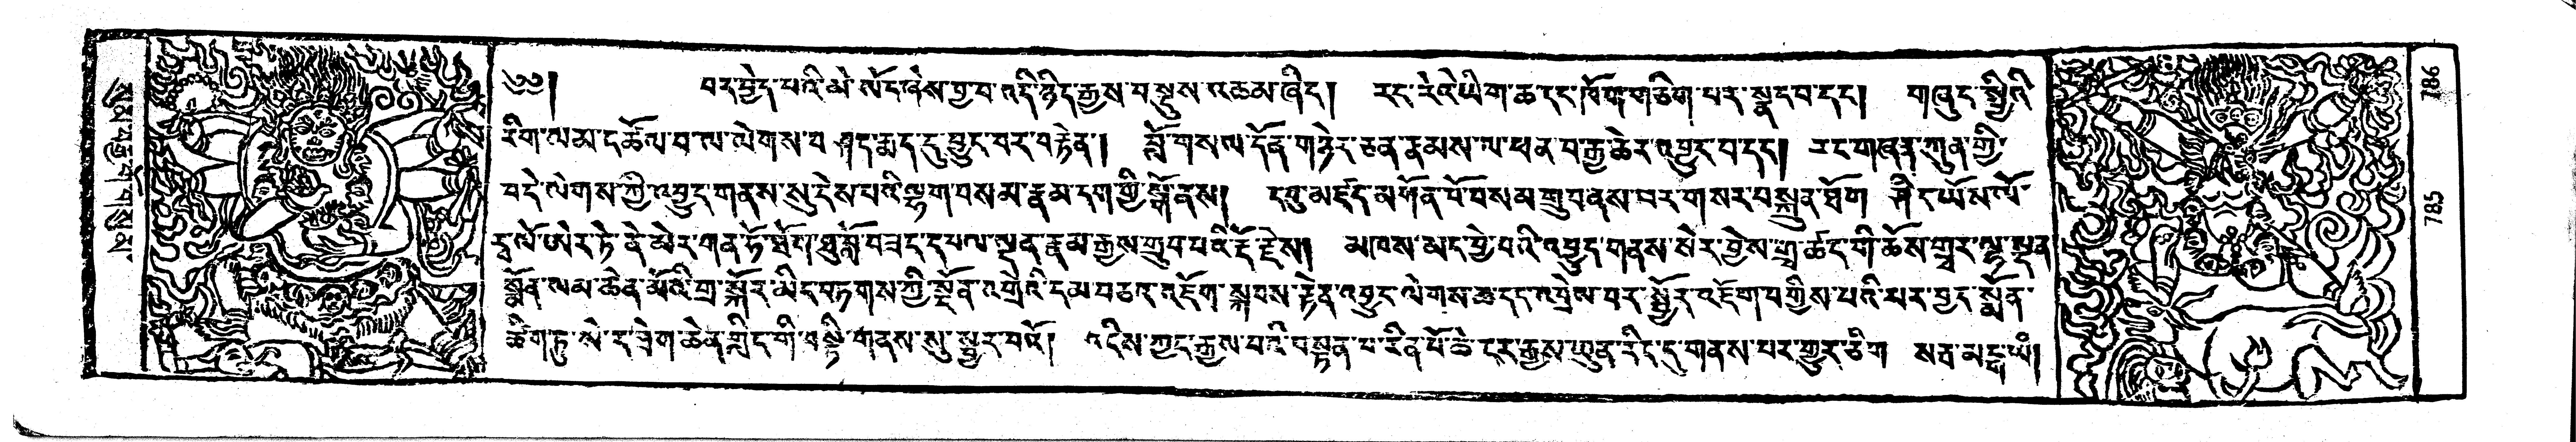༄༅། །བར་བྱེད་པའི་མེ་སོང་ཞེས་བྱ་བ་འདི་ཉིད་རྒྱས་བསྡུས་འཆམ་ཞིང་། རང་རེའི་ཡིག་ཆ་དང་ཁོག་གཅིག་པར་སྣང་བ་དང་། གཞུང་སྤྱིའི་
རིག་སམ་འཚོལ་བ་ལ་ལེགས་བཤད་རྨད་དུ་བྱུང་བར་བརྟེན། བློ་གསལ་དོན་གཉེར་ཅན་རྣམས་ལ་ཕན་བ་རྒྱ་ཆེར་འབྱུང་བ་དང་། རང་གཞན་ཀུན་གྱི་
བདེ་ལེགས་ཀྱི་འབྱུང་གནས་སུ་ངེས་པའི་ལྷག་བསམ་རྣམ་དག་གྱི་སྒོ་ནས། དབུ་མཛད་མགོན་པོ་བསམ་གྲུབ་ནས་པར་གསར་བསྐྲུན་ཐོག་ཤིང་ཡོས་ལོ་
རྭ་ལོ་ཨེར་ཏེ་ནེ་མེར་གན་ཧོ་ཐོག་ཐུ་བློ་བཟང་དཔལ་ལྡན་རྣམ་རྒྱལ་གྲུབ་པའི་རྡོ་རྗེས། མཁས་མང་བྱེ་བའི་འབྱུང་གནས་སེར་བྱེས་གྭྲ་ཚང་གི་ཆོས་གྲྭར་ལྷ་ལྡན་
སྨོན་ལམ་ཆེན་མོའི་གྲ་སྐོར་མིང་བཏགས་ཀྱི་སྔོན་འགྲེའི་དམ་བཅའ་འཇོག་སྐབས་རྟེན་འབྱུང་ལེགས་ཆ་དང་འབྲས་བར་སྦྱོར་འཇག་བགྱིས་པའི་པར་བྱང་སྨོན་
ཚིག་ཏུ་སེ་ར་ཐེག་ཆེན་གླིང་གི་བསྟི་གནས་སུ་སྦྱར་བའོ། འདིས་ཀྱང་རྒྱས་པའི་བསྟན་པ་རིན་པོ་ཆེ་དར་རྒྱས་ཡུན་རིང་དུ་གནས་པར་གྱུར་ཅིག་སརྦ་མངྒ་ལཾ།